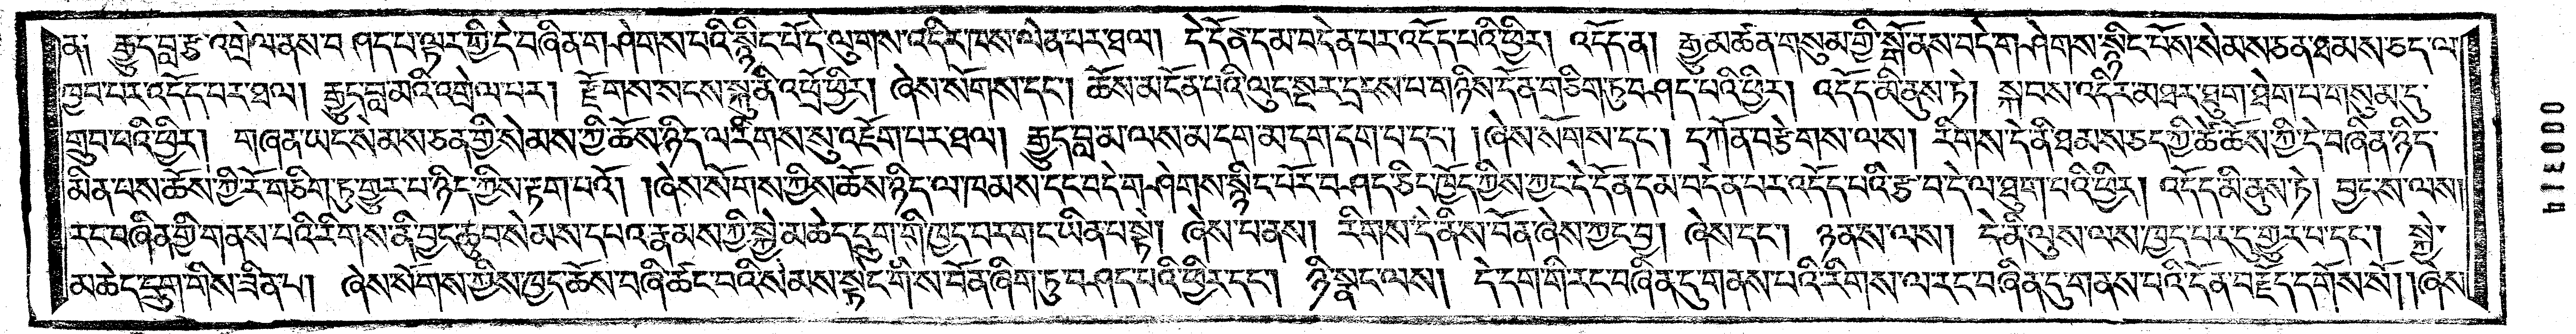ན༑ རྒྱུད་བླ་རྩ་འགྲེལ་ནས་བཤད་པ་ལྟར་ཀྱི་དེ་བཞིན་གཤེགས་པའི་སྙིང་པོ་དེ་ལུགས་འདིར་ཁས་ལེན་པར་ཐལ། དེ་དོན་དམ་བདེན་པར་འདོད་པའི་ཕྱིར། འདོད་ན། རྒྱུ་མཚན་གསུམ་གྱི་སྒོ་ནས་བདེ་གཤེགས་སྙིང་པོས་སེམས་ཅན་ཐམས་ཅད་ལ་
ཁྱབ་པར་འདོད་པར་ཐལ། རྒྱུད་བླ་མའི་འགྲེལ་པར། རྫོགས་སངས་སྐུ་ནི་འཕྲོ་ཕྱིར། ཞེས་སོགས་དང་། ཆོས་མངོན་པའི་ལུང་སྔར་དྲངས་པ་གཉིས་དོན་གཅིག་ཏུ་བཤད་པའི་ཕྱིར། འདོད་མི་ནུས་ཏེ། སྐབས་འདིར་མཐར་ཐུག་ཐེག་པ་གསུམ་དུ་
གྲུབ་པའི་ཕྱིར། གཞན་ཡང་སེམས་ཅན་གྱི་སེམས་ཀྱི་ཆོས་ཉིད་ལ་རིགས་སུ་འཇོག་པར་ཐལ། རྒྱུད་བླ་མ་ལས་མ་དག་མ་དག་དག་པ་དང་། །ཞེས་སོགས་དང་། དཀོན་བརྩེགས་ལས། རིགས་དེ་ནི་ཐམས་ཅད་ཀྱི་ཚེ་ཆོས་ཀྱི་དེ་བཞིན་ཉིད་
མིན་པས་ཆོས་ཀྱི་རོ་གཅིག་ཏུ་བྱུར་བ་ཉིད་ཀྱིས་རྟག་པའོ། །ཞེས་སོགས་ཀྱིས་ཆོས་ཉིད་ལ་ཁམས་དང་བདེ་གཤེགས་སྙིང་པོར་བཤད་ཅིང་ཁྱོད་ཀྱིས་ཀྱང་དེ་དོན་དམ་བདེན་པར་འདོད་པའི་རྩ་བ་དེ་ལ་ཐུག་པའི་ཕྱིར། འདོད་མི་ནུས་ཏེ། བྱང་ས་ལས།
རང་བཞིན་གྱི་གནས་པའི་རིགས་ནི་བྱང་ཆུབ་སེམས་དཔའ་རྣམས་ཀྱི་སྐྱེ་མཆེད་དྲུག་གི་ཁྱད་པར་གང་ཡིན་པ་སྟེ། ཞེས་པ་ནས། རིགས་དེ་ནི་ས་བོན་ཞེས་ཀྱང་བྱ། ཞེས་དང་། ཉན་ས་ལས། དེ་ནི་ལུས་ལས་ཁྱད་པར་དུ་གྱུར་པ་དང་། སྐྱེ་
མཆེད་དྲུག་གིས་ཟིན་པ། ཞེས་སོགས་ཀྱིས་ཁྱད་ཆོས་བཞི་ཚང་བའི་སེམས་སྟེང་གི་ས་བོན་ཞིག་ཏུ་བཤད་པའི་ཕྱིར་དང་། ཉི་སྣང་ལས། དེ་དག་གི་རང་བཞིན་དུ་གནས་པའི་རིགས་ལ་རང་བཞིན་དུ་གནས་པའི་དོན་བརྗོད་དགོས་སོ། །ཞེས་